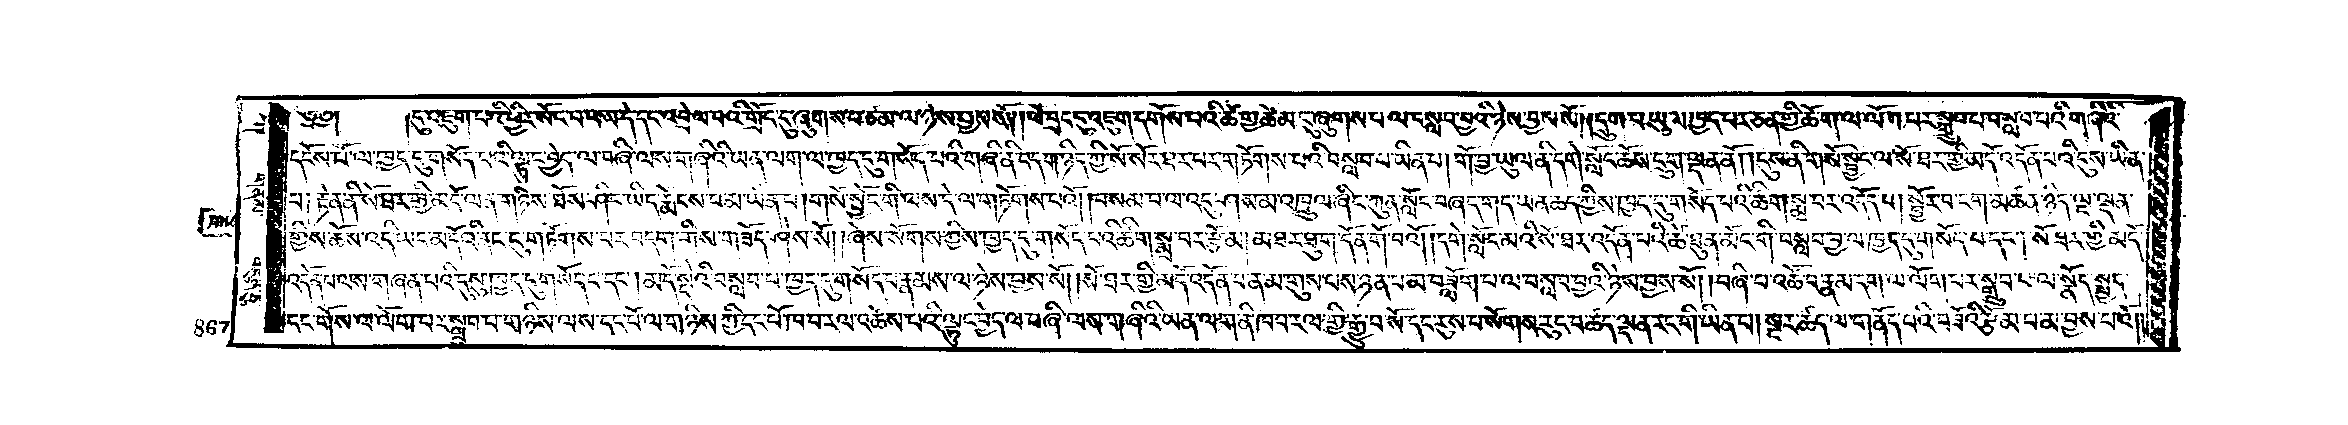༄༅། །དུ་འཇུག་པའི་ཕྱིར་སོང་བ་ལམ་དེ་དང་འབྲེལ་བའི་གྲོང་དུ་ཞུགས་པ་ཙམ་ལ་ཉེས་བྱས་སོ། །ཕོ་བྲང་དུ་འཇུག་དགོས་པའི་ཚེ་གྱ་ཚོམ་དུ་ཞུགས་པ་ལ་བསླབ་བྱའི་ཉེས་བྱས་སོ། །དྲུག་པ་ཡུལ་ཁྱད་པར་ཅན་གྱི་ཆོ་ག་ལ་ལོག་པར་སྒྲུབ་པ་བསླབ་པའི་གཞིའི་
དངོས་པོ་ལ་ཁྱད་དུ་གསོད་པའི་ལྟུང་བྱེད་ལ་བཞི་ལས་གཞིའི་ཡན་ལག་ལ་ཁྱད་དུ་གསོད་པའི་གཞི་ནི་བདག་ཉིད་ཀྱི་སོ་སོར་ཐར་པར་གཏོགས་པའི་བསླབ་པ་ཡིན་པ། གོ་བྱ་ཡུལ་ནི་དགེ་སློང་ཆོས་དྲུག་ལྡན་ནོ། །དུས་ནི་གསོ་སྦྱོང་ལ་སོ་ཐར་གྱི་མདོ་འདོན་པའི་དུས་ཡིན་
པ༑ རྟེན་ནི་སོ་ཐར་གྱི་མདོ་ལན་གཉིས་ཐོས་ཤིང་ཡིད་རྨོངས་པ་མ་ཡིན་པ། གསོ་སྦྱོང་གི་ལས་དེ་ལ་གཏོགས་པའོ། །བསམ་པ་ལ་འདུ་ཤས་མ་འཁྲུལ་ཞིང་ཀུན་སློང་བཞད་གད་ཡན་ཆད་ཀྱིས་ཁྱད་དུ་གསོད་པའི་ཚིག་སྨྲ་བར་འདོད་པ། སྦྱོར་བ་ངག་མཚན་ཉིད་ལྔ་ལྡན་
གྱིས་ཆོས་འདི་ཡང་མདོའི་ནང་དུ་གཏོགས་པར་བདག་གིས་གཟོད་ཤེས་སོ། །ཞེས་སོགས་ཀྱིས་ཁྱད་དུ་གསོད་པའི་ཚིག་སྨྲ་བར་རྩོམ། མཐར་ཐུག་དོན་གོ་བའོ། །དགེ་སློང་མའི་སོ་ཐར་འདོན་པའི་ཚེ་ཐུན་མོང་གི་བསླབ་བྱ་ལ་ཁྱད་དུ་གསོད་པ་དང་། སོ་ཐར་གྱི་མདོ་
འདོན་པ་ལས་གཞན་པའི་དུས་སུ་ཁྱད་དུ་གསོད་པ་དང་། མདོ་སྡེའི་བསླབ་པ་ཁྱད་དུ་གསོད་པ་རྣམས་ལ་ཉེས་བྱས་སོ། །སོ་ཐར་གྱི་མདོ་འདོན་པ་ན་མ་གུས་པས་ཉན་པ་མ་བཟློག་པ་ལ་བསླབ་བྱའི་ཉེས་བྱས་སོ། །བཞི་པ་འཚོ་བ་རྣམ་དག་ལ་ལོག་པར་སྒྲུབ་པ་ལ་སྣོད་སྤྱད་
དང་གོས་ལ་ལོག་པར་སྒྲུབ་པ་གཉིས་ལས་དང་པོ་ལ་གཉིས་ཀྱི་དང་པོ་ཁ་བ་རལ་འཚེས་པའི་ལྟུང་བྱེད་ལ་བཞི་ལས་གཞིའི་ཡན་ལག་ནི་ཁབ་རལ་གྱི་རྒྱུ་བ་སོ་དང་རུས་པ་སོགས་རུང་བ་ཚད་ལྡན་རང་གི་ཡིན་པ། སྔར་ཚད་ལ་གནོད་པའི་བཟོའི་རྩོམ་པ་མ་བྱས་པའོ།།